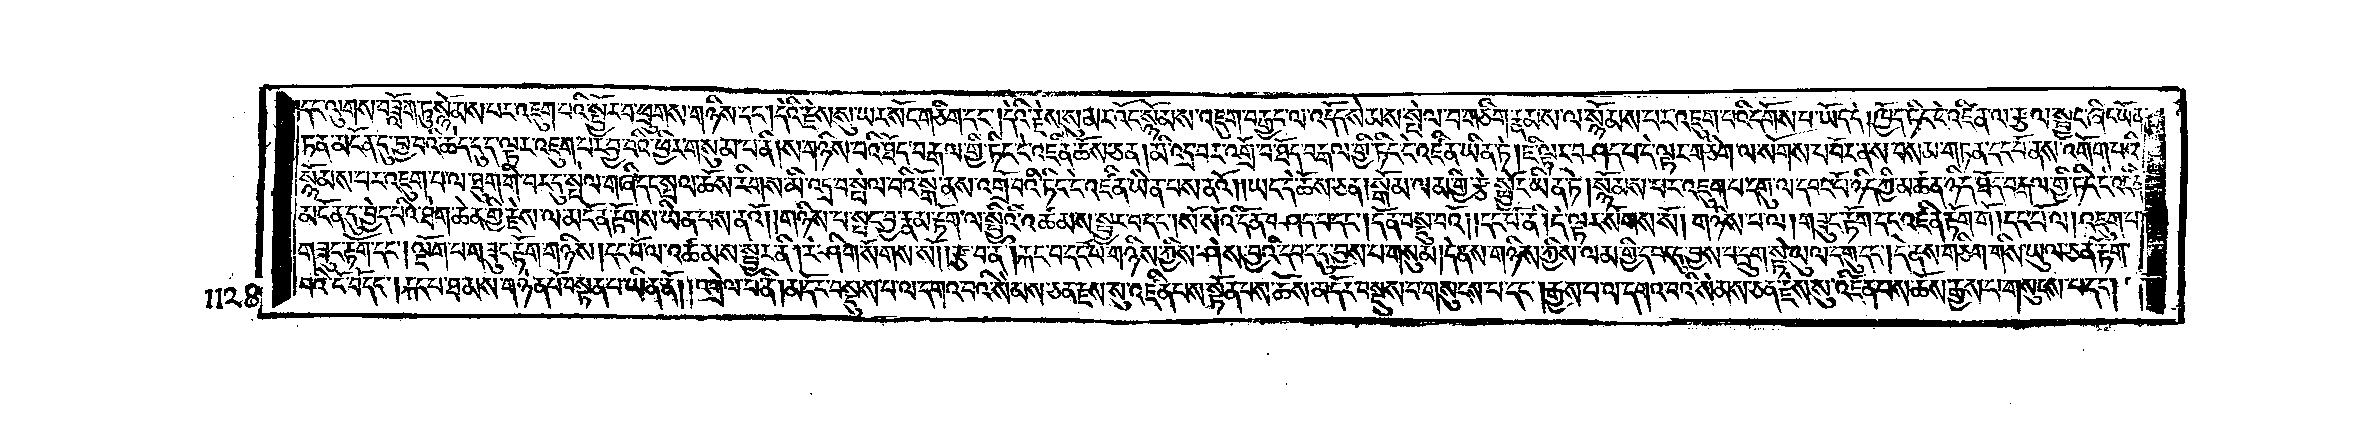དང་ལུགས་བཟློག་ཏུ་སྙོམས་པར་འཇུག་པའི་སྦྱོར་བ་ཕྲུགས་གཉིས་དང་། དེའི་རྗེས་སུ་ཡར་སོང་གཅིག་དང་། དེའི་རྗེས་སུ་མར་འོང་སྙོམས་འཇུག་བརྒྱད་ལ་འདོད་སེམས་སྤེལ་བ་གཅིག་རྣམས་ལ་སྙོམས་པར་འཇུག་པའི་དགོས་པ་ཡོད་དེ། ཁྱོད་ཏིང་ངེ་འཛིན་ལ་རྩལ་སྦྱང་ཞིང་ཡོན་
ཏན་མངོན་དུ་བྱ་བའི་ཆེད་དུ་དེ་ལྟར་འཇུག་པར་བྱ་བའི་ཕྱིར་གསུམ་པ་ནི། ས་གཉིས་པའི་ཐོད་བརྒལ་གྱི་ཏིང་ངེ་འཛིན་ཆོས་ཅན། མི་འདྲ་བར་འགྲོ་བ་ཐོད་བརྒལ་གྱི་ཏིང་ངེ་འཛིན་ཡིན་ཏེ། ཇི་ལྟར་བཤད་པ་དེ་ལྟར་གཅིག་ལ་སོགས་པ་བོར་ནས་བསམ་གཏན་དང་པོ་ནས་འགོག་པའི་
སྙོམས་པར་འཇུག་པ་ལ་ཐུག་གི་བར་དུ་སྤེལ་གཞི་དང་སྤེལ་ཆོས་རིགས་མི་འདྲ་བ་སྤེལ་བའི་སྒོ་ནས་འགྲོ་བའི་ཏིང་ངེ་འཛིན་ཡིན་པས་ནའོ། །ཡང་དེ་ཆོས་ཅན། སྒོམ་ལམ་གྱི་རྩེ་སྦྱོར་ཡིན་ཏེ། སྙོམས་པར་འཇུག་པ་དགུ་ལ་དབང་པོ་ཉིད་ཀྱི་མཚན་ཉིད་ཐོད་བརྒལ་གྱི་ཏིང་ངེ་འཛིན་
མངོན་དུ་བྱེད་པའི་ཐེག་ཆེན་གྱི་རྗེས་ལ་མངོན་རྟོགས་ཡིན་པས་ནའོ། །གཉིས་པ་སྤང་བྱ་རྣམ་རྟོག་ལ་སྤྱིའི་འཚམས་སྦྱར་བ་དང་། སོ་སོའི་དོན་བཤད་པ་དང་། དོན་བསྡུ་བའོ། །དང་པོ་ནི། དེ་ལྟར་སོགས་སོ། གཉིས་པ་ལ། གཟུང་རྟོག་དང་འཛིན་རྟོག་གོ །དང་པོ་ལ། འཇུག་པ་
གཟུང་རྟོག་དང་། ལྡོག་པ་གཟུང་རྟོག་གཉིས། དང་པོ་ལ་འཚམས་སྦྱར་ནི། རེ་ཤིག་སོགས་སོ། །རྩ་བ་ནི། རྐང་པ་དང་པོ་གཉིས་ཀྱིས་ཤེས་བྱའི་དབང་དུ་བྱས་པ་གསུམ། དེ་ནས་གཉིས་ཀྱིས་ལམ་གྱི་དབང་དུ་བྱས་པ་དྲུག་སྟེ་ཡུལ་དགུ་དང་། དེ་ནས་གཅིག་གིས་ཡུལ་ཅན་རྟོག་
པའི་ངོ་བོ་དང་། རྐང་པ་ཐམས་གཉེན་པོ་བསྟན་པ་ཡིན་ནོ། །འགྲེལ་བ་ནི། མདོར་བསྡུས་པ་ལ་དགའ་བའི་སེམས་ཅན་རྗེས་སུ་འཛིན་པས་སྟོན་པས་ཆོས་མདོར་བསྡུས་པ་གསུངས་པ་དང་། རྒྱས་པ་ལ་དགའ་བའི་སེམས་ཅན་རྗེས་སུ་འཛིན་པས་ཆོས་རྒྱས་པ་གསུངས་པ་དང།།